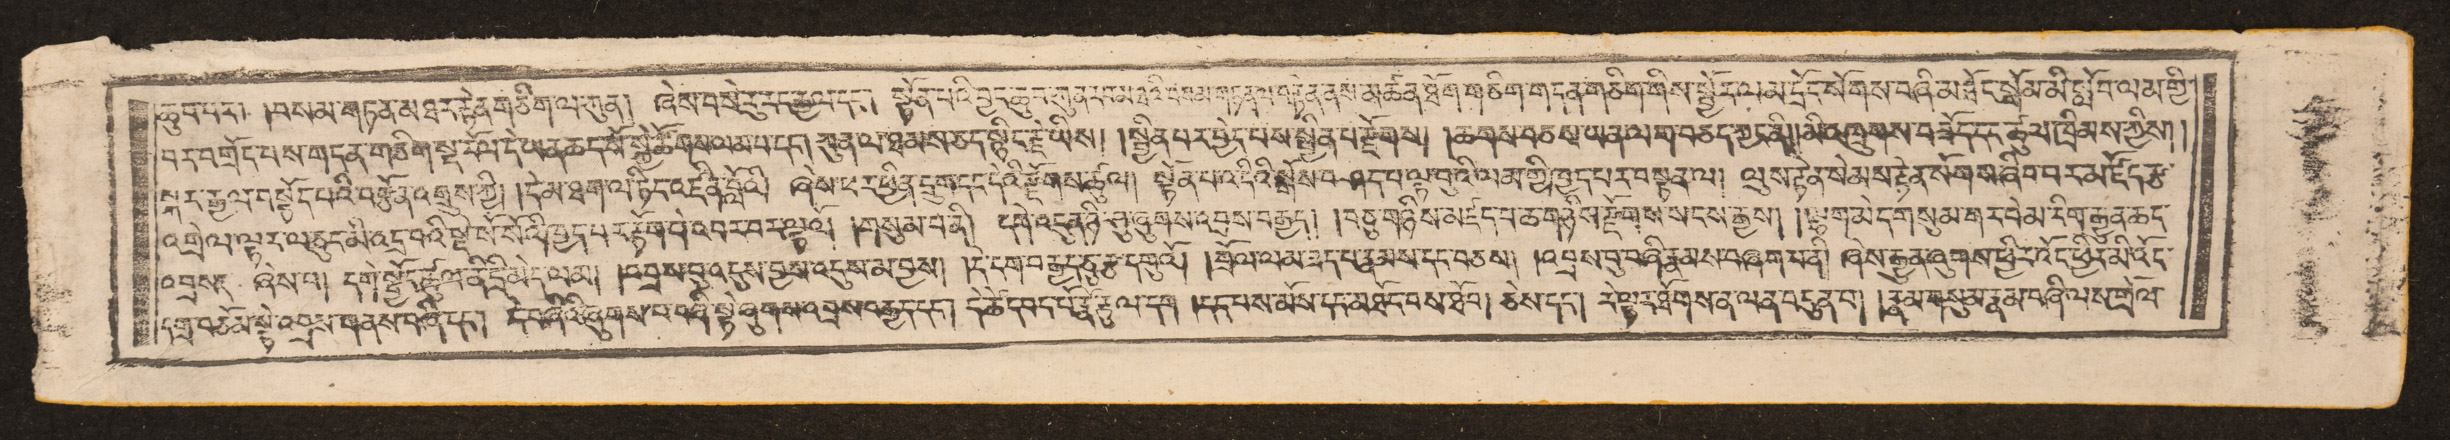ཆུབ་པར། །བསམ་གཏན་མཐར་རྟེན་གཅིག་ལ་ཀུན། ཞེས་བསེ་རུ་རང་རྒྱལ་དང་། སྟོན་པའི་བྱང་ཆུབ་ཀུན་རབ་མཐའི་བསམ་གཏན་ལ་བརྟེན་ནས་མཚན་ཐོག་གཅིག་གདན་གཅིག་གིས་སྦྱོར་ལམ་དྲོད་སོགས་བཞི་མཐོང་སྒོམ་མི་སློབ་ལམ་གྱི་
བར་བགྲོང་པས་གདན་གཅིག་སྔ་རོལ་དེ་ཡན་ཆད་སོ་སྐྱེ་ཚོགས་ལམ་པ་དང་། ཀུན་ལ་ཐམས་ཅད་སྙིང་རྗེ་ཡིས། །སྦྱིན་པར་བྱེད་པས་སྦྱིན་པ་རྫོགས། །ཆགས་བཅས་ཡན་ལག་བཅད་ཀྱང་ནི། །མི་འཁྲུགས་བཟོད་དང་ཚུལ་ཁྲིམས་ཀྱིས།།
སྐར་རྒྱལ་བསྟོད་པའི་བརྩོན་འགྲུས་ཀྱི། །དེ་མ་ཐག་ལ་ཏིང་འཛིན་བློའི། ཞེས་ཕར་ཕྱིན་དྲུག་དང་དེའི་རྫོགས་ཚུལ། སྟོན་པ་འདིའི་སྒོས་བཤད་པ་ལྟ་བུའི་ལམ་གྱི་ཁྱད་པར་བསྟན་ལ། ལུས་རྟེན་སེམས་རྟེན་སོགས་ཞིབ་པར་མཛོད་རྩ་
འགྲེལ་ལྟར་ལ་ཅུང་མི་འདྲ་བའི་སྡེ་སོ་སོའི་ཁྱད་པར་རྟོག་གེ་འབར་བར་ལྟའོ། །གསུམ་པ་ནི། དགེ་འདུན་ཉི་ཤུ་ཞུགས་འབྲས་བརྒྱད། །བཅུ་གཉིས་མཛད་པ་ཆ་གཉིས་རྫོགས་སངས་རྒྱས། །ལྷག་མེད་གསུམ་གར་བེམ་རིག་རྒྱུན་ཆད་
འབྲས༑ ཞེས་པ། དགེ་སྦྱོང་ཚུལ་ནི་དྲི་མེད་ལམ། །འབྲས་བུ་འདུས་བྱས་འདུས་མ་བྱས། །དེ་དག་བརྒྱད་ཅུ་རྩ་དགུའོ། །གྲོལ་ལམ་ཟད་པ་རྣམས་དང་བཅས། །འབྲས་བུ་བཞི་རྣམས་བཞག་པ་ནི། ཞེས་རྒྱུན་ཞུགས་ཕྱིར་འོད་ཕྱིར་མི་འོང་
དགྲ་བཅོམ་སྟེ་འབྲས་གནས་བཞི་དང་། དེ་བཞིའི་ཞུགས་པ་བཞི་སྟེ་ཞུགས་འབྲས་བརྒྱད་དང་། དེ་ཚེ་དབང་པོ་རྣོ་རྟུལ་དག །དད་པས་མོས་དང་མཐོང་བས་ཐོབ། ཅེས་དང་། རེ་ལྟར་ཐོགས་ན་ལན་བདུན་པ། །རྣམ་གསུམ་རྣམ་བཞི་ལས་གྲོལ་